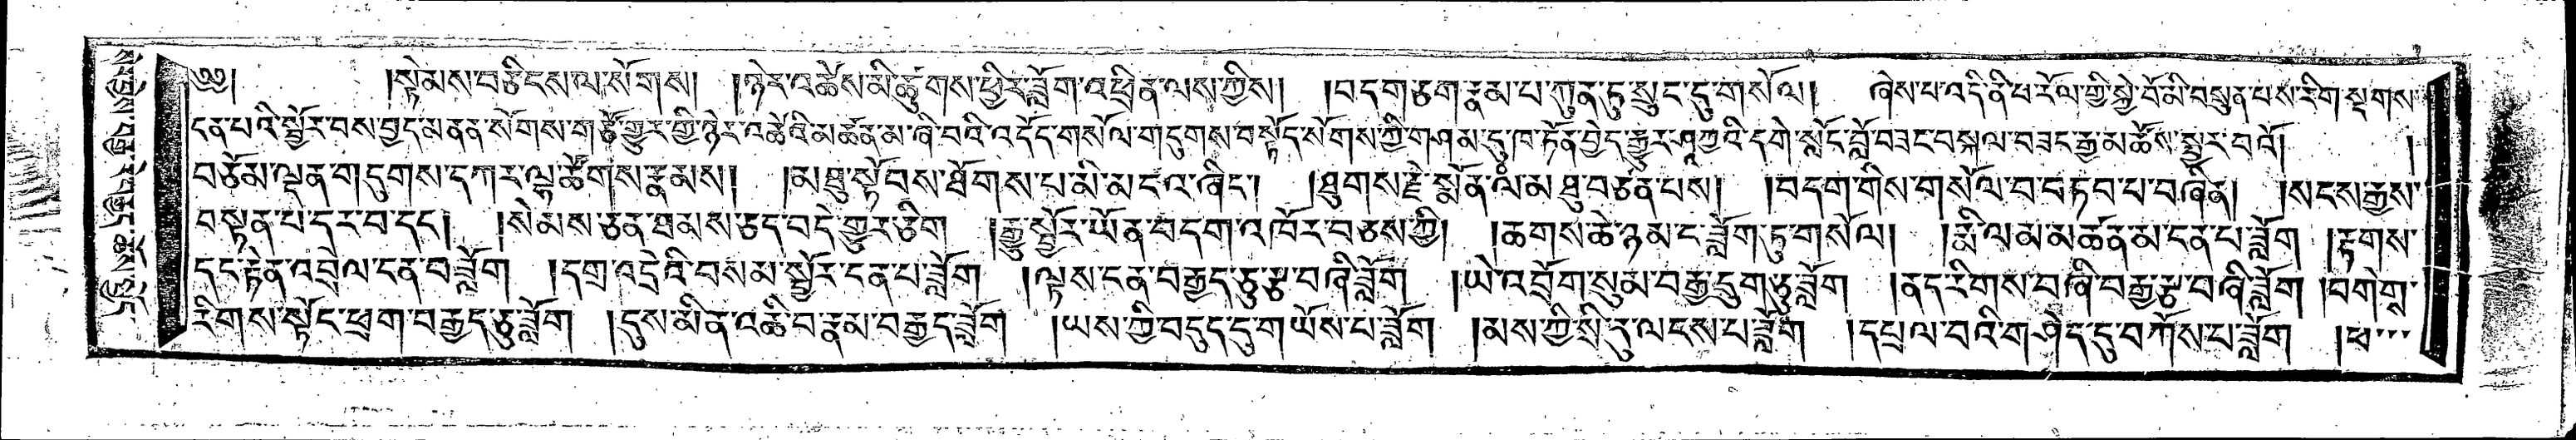༄༅། །སྟེམས་བཅིངས་ལ་སོགས། །ཉེར་འཚེས་མི་ཚུགས་ཕྱིར་ཟློག་འཕྲིན་ལས་ཀྱིས། །བདག་ཅག་རྣམ་པ་ཀུན་ཏུ་སྲུང་དུ་གསོལ། ཞེས་པ་འདི་ནི་ཕ་རོལ་གྱི་སྐྱེ་བོ་མི་བསྲུན་པས་རིག་སྔགས་
ངན་པའི་སྦྱོར་བས་བྱད་མནན་སོགས་གཙོ་གྱུར་གྱི་ཉེར་འཚོའི་མཚན་མ་ཞི་བའི་འདོད་གསོལ་གདུགས་བསྟོད་སོགས་ཀྱི་གཤམ་དུ་ཁ་ཏོན་བྱེད་རྒྱུར་ཤཱཀྱའི་དགེ་སློང་བློ་བཟང་བསྐལ་བཟང་རྒྱ་མཚོས་སྦྱར་བའོ། །
བཅོམ་ལྡན་གདུགས་དཀར་ལྷ་ཚོགས་རྣམས། །མཐུ་སྟོབས་ཐོགས་པ་མི་མངའ་ཞིང་། །ཐུགས་རྗེ་སྨོན་ལཾ་མཐུ་བཙན་པས། །བདག་གིས་གསོལ་བ་བཏབ་པ་བཞིན། །སངས་རྒྱས་
བསྟན་པ་དར་བ་དང་། །སེམས་ཅན་ཐམས་ཅད་བདེ་གྱུར་ཅིག །རྒྱུ་སྦྱོར་ཡོན་བདག་འཁོར་བཅས་ཀྱི། །ཆགས་ཆེ་ཉམ་ང་ཟློག་ཏུ་གསོལ། །རྨི་ལམ་མཚན་མ་ངན་པ་ཟློག །རྟགས་
དང་རྟེན་འབྲེལ་ངན་བཟློག །དགྲ་འདྲེའི་བསམ་སྦྱོར་ངན་པ་ཟློག །ལྟས་ངན་བརྒྱད་ཅུ་རྩ་བཞི་ཟློག །ཡེ་འབྲོག་སུམ་བརྒྱ་དྲུག་ཅུ་ཟློག །ནད་རིགས་བཞི་བརྒྱ་རྩ་བཞི་ཟློག །བགེགས་
རིགས་སྟོང་ཕྲག་བརྒྱད་ཅུ་ཟློག །དུས་མིན་འཆི་བ་རྣམ་བརྒྱད་ཟློག །ཡས་ཀྱི་བདུད་དུ་གཡོས་པ་ཟློག །མས་ཀྱི་སྲི་རུ་ལངས་པ་ཟློག །དཔྲལ་བའི་གཤེད་དུ་བཀོས་པ་ཟློག །ཕ་